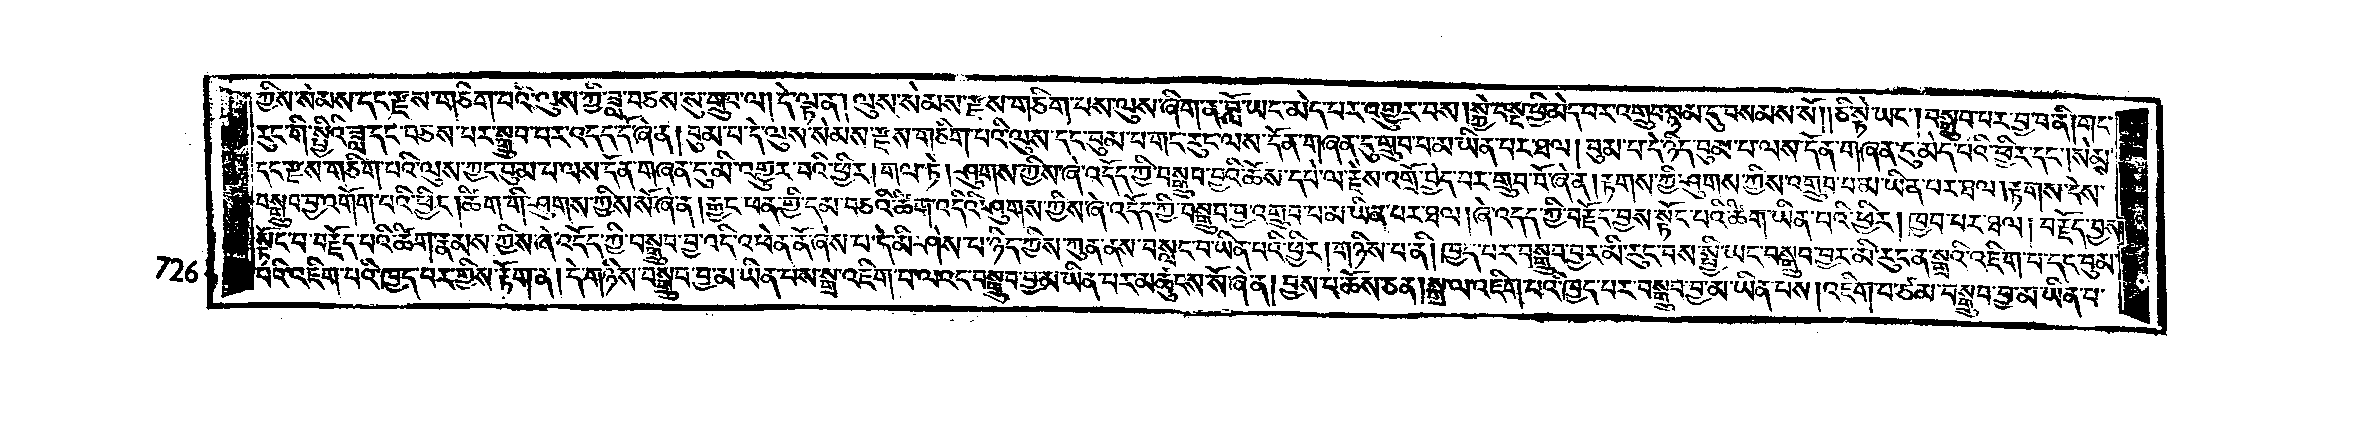ཀྱིས་སེམས་དང་རྫས་གཅིག་པའི་ལུས་ཀྱི་ཟླ་བཅས་སུ་གྲུབ་ལ། དེ་ལྟ་ན། ལུས་སེམས་རྫས་གཅིག་པས་ལུས་ཞིག་ན་བློ་ཡང་མེད་པར་འགྱུར་བས། སྐྱེ་བ་སྔ་ཕྱི་མེད་པར་འགྲུབ་སྙམ་དུ་བསམས་སོ། །ཅི་སྟེ་ཡང་། བསྒྲུབ་པར་བྱ་བ་ནི། གང་
རུང་གི་སྤྱིའི་ཟླ་དང་བཅས་པར་སྒྲུབ་པར་འདོད་དོ་ཞེ་ན། བུམ་པ་དེ་ལུས་སེམས་རྫས་གཅིག་པའི་ལུས་དང་བུམ་པ་གང་རུང་ལས་དོན་གཞན་དུ་གྲུབ་པ་མ་ཡིན་པར་ཐལ། བུམ་པ་དེ་ཉིད་བུམ་པ་ལས་དོན་གཞན་དུ་མེད་པའི་ཕྱིར་དང་། སེམས་
དང་རྫས་གཅིག་པའི་ལུས་ཀྱང་བུམ་པ་ལས་དོན་གཞན་དུ་མི་འགྱུར་བའི་ཕྱིར། གལ་ཏེ། ཤུགས་ཀྱིས་ཞེ་འདོད་ཀྱི་བསྒྲུབ་བྱའི་ཆོས་དཔེ་ལ་རྗེས་འགྲོ་བྱེད་པར་གྲུབ་བོ་ཞེ་ན། རྟགས་ཀྱི་ཤུགས་ཀྱིས་འགྲུབ་པ་མ་ཡིན་པར་ཐལ། རྟགས་དེས་
བསྒྲུབ་བྱ་འགོག་པའི་ཕྱིར། ཚིག་གི་ཤུགས་ཀྱིས་སོ་ཞེ་ན། རྒྱང་ཕན་གྱི་དམ་བཅའི་ཚིག་འདིའི་ཤུགས་ཀྱིས་ཞེ་འདོད་ཀྱི་བསྒྲུབ་བྱ་འགྲུབ་པ་མ་ཡིན་པར་ཐལ། ཞེ་འདོད་ཀྱི་བརྗོད་བྱས་སྟོང་པའི་ཚིག་ཡིན་པའི་ཕྱིར། ཁྱབ་པར་ཐལ། བརྗོད་བྱས་
སྟོང་པ་བརྗོད་པའི་ཚིག་རྣམས་ཀྱིས་ཞེ་འདོད་ཀྱི་བསྒྲུབ་བྱ་འདི་འཕེན་ནོ་ཞེས་པ་དེ་མི་ཤེས་པ་ཉིད་ཀྱིས་ཀུན་ནས་བསླང་བ་ཡིན་པའི་ཕྱིར། གཉིས་པ་ནི། ཁྱད་པར་བསྒྲུབ་བྱར་མི་རུང་བས་སྤྱི་ཡང་བསྒྲུབ་བྱར་མི་རུང་ན་སྒྲའི་འཇིག་པ་དང་བུམ་
པའི་འཇིག་པའི་ཁྱད་པར་གྱིས་རྟོག་ན། དེ་གཉིས་བསྒྲུབ་བྱ་མ་ཡིན་པས་སྒྲ་འཇིག་པ་ལའང་བསྒྲུབ་བྱ་མ་ཡིན་པར་མཚུངས་སོ་ཞེ་ན། བྱས་པ་ཆོས་ཅན། སྒྲ་ལ་འཇིག་པའི་ཁྱད་པར་བསྒྲུབ་བྱ་མ་ཡིན་པས། འཇིག་པ་ཙམ་བསྒྲུབ་བྱ་མ་ཡིན་པ་